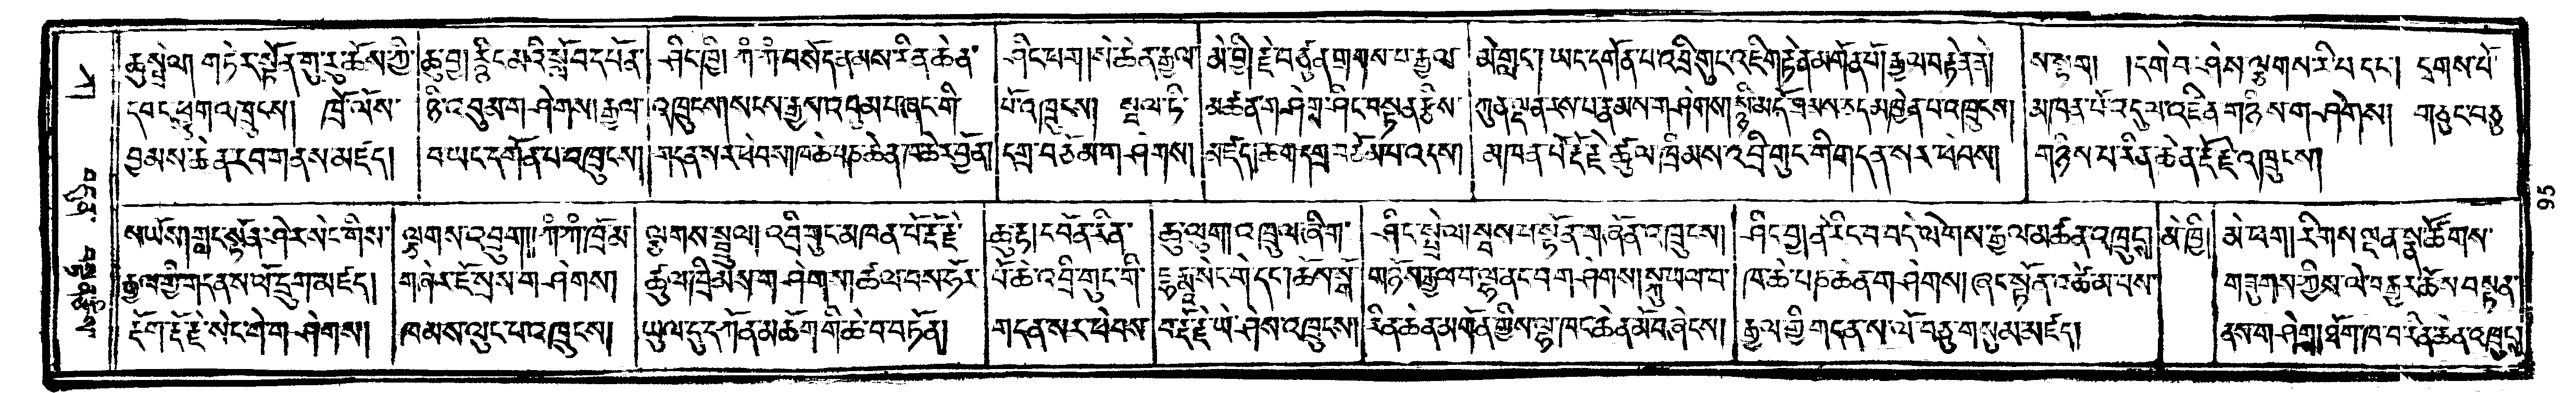༄༅། །ཆུ་སྤྲེལ། གཏེར་སྟོན་གུ་རུ་ཆོས་ཀྱི་ཆུ་བྱ། རྙིང་མའི་སློབ་དཔོན་ཤིང་ཁྱི། ཀཾ་ཀཾ་བསོད་ནམས་རིན་ཆེན་ཤིང་ཕག། སེ་ཆེན་རྒྱལ་མེ་བྱི། རྗེ་བཙུན་གྲགས་པ་རྒྱལ་མེ་གླང་། ཡང་དགོན་པ་འབྲི་གུང་འཇིག་རྟེན་མགོན་པོ། རྒྱལ་བརྟེན་ནེ། ས་སྟག། །དགེ་བ་ཤེས་ལྕགས་རི་པ་དང་། དྲགས་པོ་
དབང་ཕྱུག་འཁྲུངས། ཁྲོ་ལོས་ཉི་འབུམ་གཤེགས། རྒྱལ་འཁྲུངས། སངས་རྒྱས་འབུམ་པ་ཞང་གི་པོ་འཁྲུངས། སྦལ་ཏི་མཚན་གཤེགས་ཤིང་བསྟན་རྩིས་ཀུན་ལྡན་རས་པ་རྣམས་གཤེགས། སྙི་མདོ་ཐམས་ཅད་མཁྱེན་པ་འཁྲུངས། མཁན་པོ་འདུལ་འཛིན་གཉིས་གཤེགས། གཅུང་བཅུ་
བྱམས་ཆེན་རབ་གནས་མཛད། བ་ཡང་དགོན་བ་འཁྲུངས། གདན་སར་ཕེབས་ཁ་ཆེ་པཎ་ཆེན་ཁ་ཆེར་བྱོན། དགྲ་བཅོམ་གཤེགས། མཛད། ཆག་དགྲ་བཅོམ་པ་འདས། མཁན་པོ་རྡོ་རྗེ་ཚུལ་ཁྲིམས་འབྲི་གུང་གི་གདན་སར་ཕེབས། གཉིས་པ་རིན་ཆེན་རྡོ་རྗེ་འཁྲུངས།
ས་ཡོས། གླང་སྟོན་ཤེར་སེང་གིས་ལྕགས་འབྲུག། ཀཾ་ཀཾ་ཁྲོམ་ལྕགས་སྦྲུལ། འབྲི་གུང་མཁན་པོ་རྡོ་རྗེ། ཆུ་རྟ། དབོན་རིན་ཆུ་ལུག། འཁྲུལ་ཞིག་ཤིང་སྤྲེལ། སྦས་པ་སྟོན་གཞོན་འཁྲུངས། ཤིང་བྱ། ནེ་རིང་བ་བདེ་ལེགས་རྒྱལ་མཚན་འཁྲུངས། མེ་ཁྱི། མེ་ཕག། རིགས་ལྡན་སྣ་ཚོགས་
རྒྱལ་གྱི་གདན་ས་ལོ་དྲུག་མཛད། གཞེར་ཇོ་སྲས་གཤེགས། ཚུལ་ཁྲིམས་གཤེགས། ཚལ་བས་ཧོར་པོ་ཆེ་འབྲི་གུང་གི་དྷརྨཱ་སེང་གེ་དང་། ཆོས་སྒོ་གཉོས་རྒྱལ་བ་ལྷ་ནང་བ་གཤེགས། སྐུ་ཡལ་བ་ཁ་ཆེ་པཎ་ཆེན་གཤེགས། ཞང་སྟོན་འཚེམ་པས་གཟུགས་ཀྱིས་ལེ་བརྒྱར་ཆོས་བསྟན་
རྡོག་རྡོ་རྗེ་སེང་གེ་གཤེགས། ཁམས་ལུང་པ་འཁྲུངས། ཡུལ་དུ་དཀོན་མཆོག་གི་ཆེ་བ་བཏོན། གདན་སར་ཕེབས་བ་རྡོ་རྗེ་ཡེ་ཤེས་འཁྲུངས། རིན་ཆེན་མགོན་གྱིས་ལྷ་ཁང་ཆེན་མོ་བཞེངས། རྒྱལ་གྱི་གདན་ས་ལོ་བཅུ་གསུམ་མཛད། ནས་གཤེགས། ཐོག་ཁ་བ་རིན་ཆེན་འཁྲུངས་